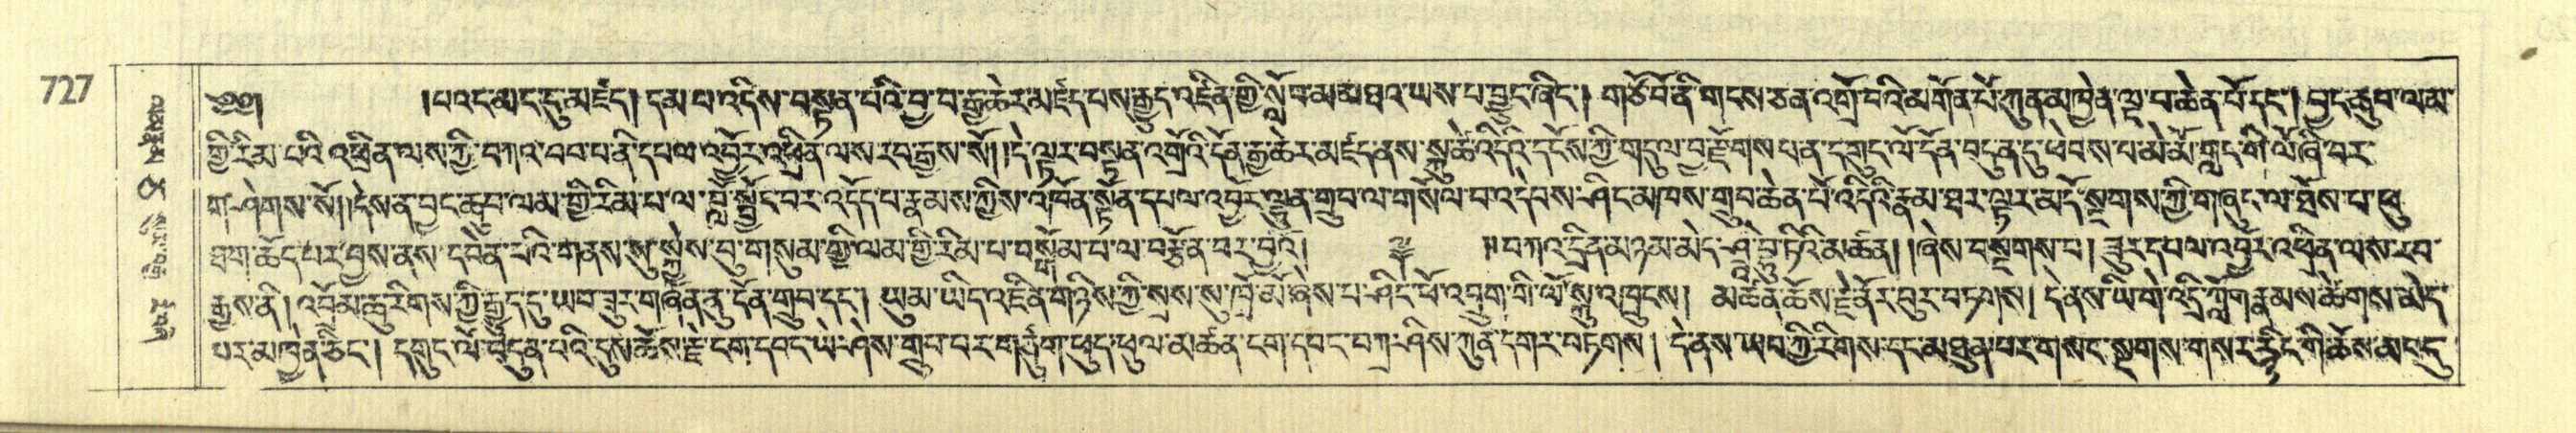༄༅། །པའང་མང་དུ་མཛད། དམ་པ་འདིས་བསྟན་པའི་བྱ་བ་རྒྱ་ཆེར་མཛད་པས་རྒྱུད་འཛིན་གྱི་སློབ་མ་མཐའ་ཡས་པ་བྱུང་ཞིང་། གཙོ་བོ་ནི་གངས་ཅན་འགྲོ་བའི་མགོན་པོ་ཀུན་མཁྱེན་ལྔ་པ་ཆེན་པོ་དང་། བྱང་ཆུབ་ལམ་
གྱི་རིམ་པའི་འཕྲིན་ལས་ཀྱི་བཀའ་བབ་པ་ནི་དཔལ་འབྱོར་འཕྲིན་ལས་རབ་རྒྱས་སོ། །དེ་ལྟར་བསྟན་འགྲོའི་དོན་རྒྱ་ཆེར་མཛད་ནས་སྐུ་ཚེ་འདིའི་དངོས་ཀྱི་གདུལ་བྱ་རྫོགས་པ་ན་དགུང་ལོ་དོན་བདུན་དུ་ཕེབས་པ་མེ་མོ་གླང་གི་ལོ་ཞི་བར་
གཤེགས་སོ། །དེས་ན་བྱང་ཆུབ་ལམ་གྱི་རིམ་པ་ལ་བློ་སྦྱོང་བར་འདོད་པ་རྣམས་ཀྱིས་འཁོན་སྟོན་དཔལ་འབྱོར་ལྷུན་གྲུབ་ལ་གསོལ་བ་འདེབས་ཤིང་མཁས་གྲུབ་ཆེན་པོ་འདིའི་རྣམ་ཐར་ལྟར་མདོ་སྔགས་ཀྱི་གཞུང་ལ་ཐོས་པ་ཕུ་
ཐག་ཆོད་པར་བྱས་ནས་དབེན་པའི་གནས་སུ་སྐྱེས་བུ་གསུམ་གྱི་ལམ་གྱི་རིམ་པ་བསྒོམ་པ་ལ་བརྩོན་བར་བྱའོ། ༈ །།བཀའ་དྲིན་མཉམ་མེད་ཤྲཱི་བྷུ་ཏིའི་མཚན། །ཞེས་བསྔགས་པ། ཟུར་དཔལ་འབྱོར་འཕྲིན་ལས་རབ་
རྒྱས་ནི། འབྲོམ་ཆུ་རིགས་ཀྱི་རྒྱུད་དུ་ཡབ་ཟུར་གཞོན་ནུ་དོན་གྲུབ་དང་། ཡུམ་ཡིད་འཛིན་གཉིས་ཀྱི་སྲས་སུ་ཁྲོ་མོ་ཞེས་པ་ཤིང་ཕོ་འབྲུག་གི་ལོ་སྐུ་འཁྲུངས། མཚན་ཆོས་རྗེ་ནོར་བུར་བཏགས། དེ་ནས་ཡི་གེ་འདྲི་ཀློག་རྣམས་ཚེགས་མེད་
པར་མཁྱེན་ཅིང་། དགུང་ལོ་བདུན་པའི་དུས་ཆོས་རྗེ་ངག་དབང་ཡེ་ཤེས་གྲུབ་པར་གཙུག་ཕུད་ཕུལ་མཚན་ངག་དབང་བཀྲ་ཤིས་ཀུན་དགར་བཏགས། དེ་ནས་ཡབ་ཀྱི་རིགས་དང་མཐུན་པར་གསང་སྔགས་གསར་རྙིང་གི་ཆོས་མང་དུ་